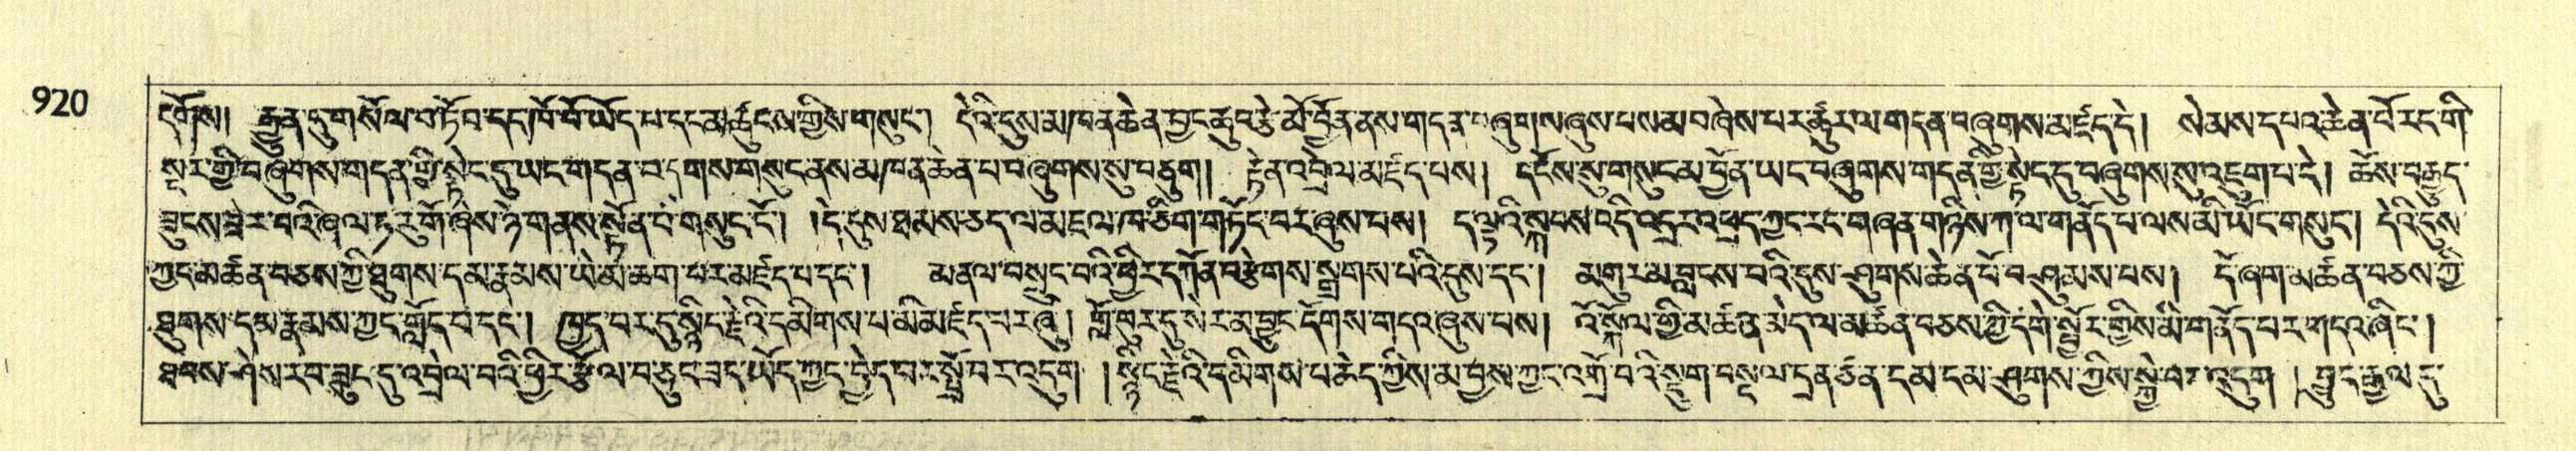དགོས། རྒྱུན་དུ་གསོལ་བཏོབ་དང་ཁོ་བོ་ཡོད་པ་དང་མཚུངས་གྱིས་གསུང་། དེའི་དུས་མཁན་ཆེན་བྱང་ཆུབ་རྩེ་མོ་བྱོན་ནས་གདན་བཞུགས་ཞུས་པས་མ་བཞེས་པར་ཚུར་ལ་གདན་བཞུགས་མཛད་དེ། སེམས་དཔའ་ཆེན་པོ་རང་གི་
སྔར་གྱི་བཞུགས་གདན་གྱི་སྟེང་དུ་ཡང་གདན་བ་དགས་གསུང་ནས་མཁན་ཆེན་པ་བཞུགས་སུ་བཅུག། རྟེན་འབྲེལ་མཛད་པས། དངོས་སུ་གསུང་མ་བྱོན་ཡང་བཞུགས་གདན་གྱི་སྟེང་དུ་བཞུགས་སུ་འཇུག་པ་དེ། ཆོས་བརྒྱུད་
ཟུངས་ཟེར་བའི་ཞལ་ཏ་རུ་གོ་ཞེས་ཉེ་གནས་སྟོན་པ་གསུང་ངོ། །དེ་དུས་ཐམས་ཅད་ལ་མཇལ་ཁ་ཅིག་གཏོང་བར་ཞུས་པས། ད་ལྟའི་སྐབས་འདི་འདྲར་འཕྲད་ཀྱང་རང་གཞན་གཉིས་ཀ་ལ་གནོད་པ་ལས་མི་ཡོང་གསུང་། དེའི་དུས་
ཀྱང་མཚན་བཅས་ཀྱི་ཐུགས་དམ་རྣམས་ཡེ་མ་ཆག་པར་མཛད་པ་དང་། མནལ་བསྲུང་བའི་ཕྱིར་དཀོན་བརྩེགས་སྒྲགས་པའི་དུས་དང་། མགུར་མ་བླངས་བའི་དུས་ཤུགས་ཆེན་པོ་བཤུམས་པས། དོ་ཞག་མཚན་བཅས་ཀྱི་
ཐུགས་དམ་རྣམས་ཀྱང་གློད་བ་དང་། ཁྱད་བར་དུ་སྙིང་རྗེའི་དམིགས་པ་མི་མཛད་པར་ཞུ། གློ་བུར་དུ་སེར་མ་བྱུང་དོགས་གདའ་ཞུས་པས། འོ་སྐོལ་གྱི་མཚན་མེད་ལ་མཚན་བཅས་ཀྱི་དགེ་སྤྱོར་གྱིས་མི་གནོད་པར་གདའ་ཞིང་།
ཐབས་ཤེས་རབ་ཟུང་དུ་འབྲེལ་བའི་ཕྱིར་རྩོལ་བ་ཅུང་ཟད་ཡོད་ཀྱང་བྱེད་བར་སྤྲོ་བར་འདུག །སྙིང་རྗེའི་དམིགས་པ་ཆེད་ཀྱིས་མ་བྱས་ཀྱང་འགྲོ་བའི་སྡུག་བསྔལ་དྲན་ཙ་ན་དམ་ངམ་ཤུགས་ཀྱིས་སྐྱེ་བར་འདུག །བྱུང་རྒྱལ་དུ་